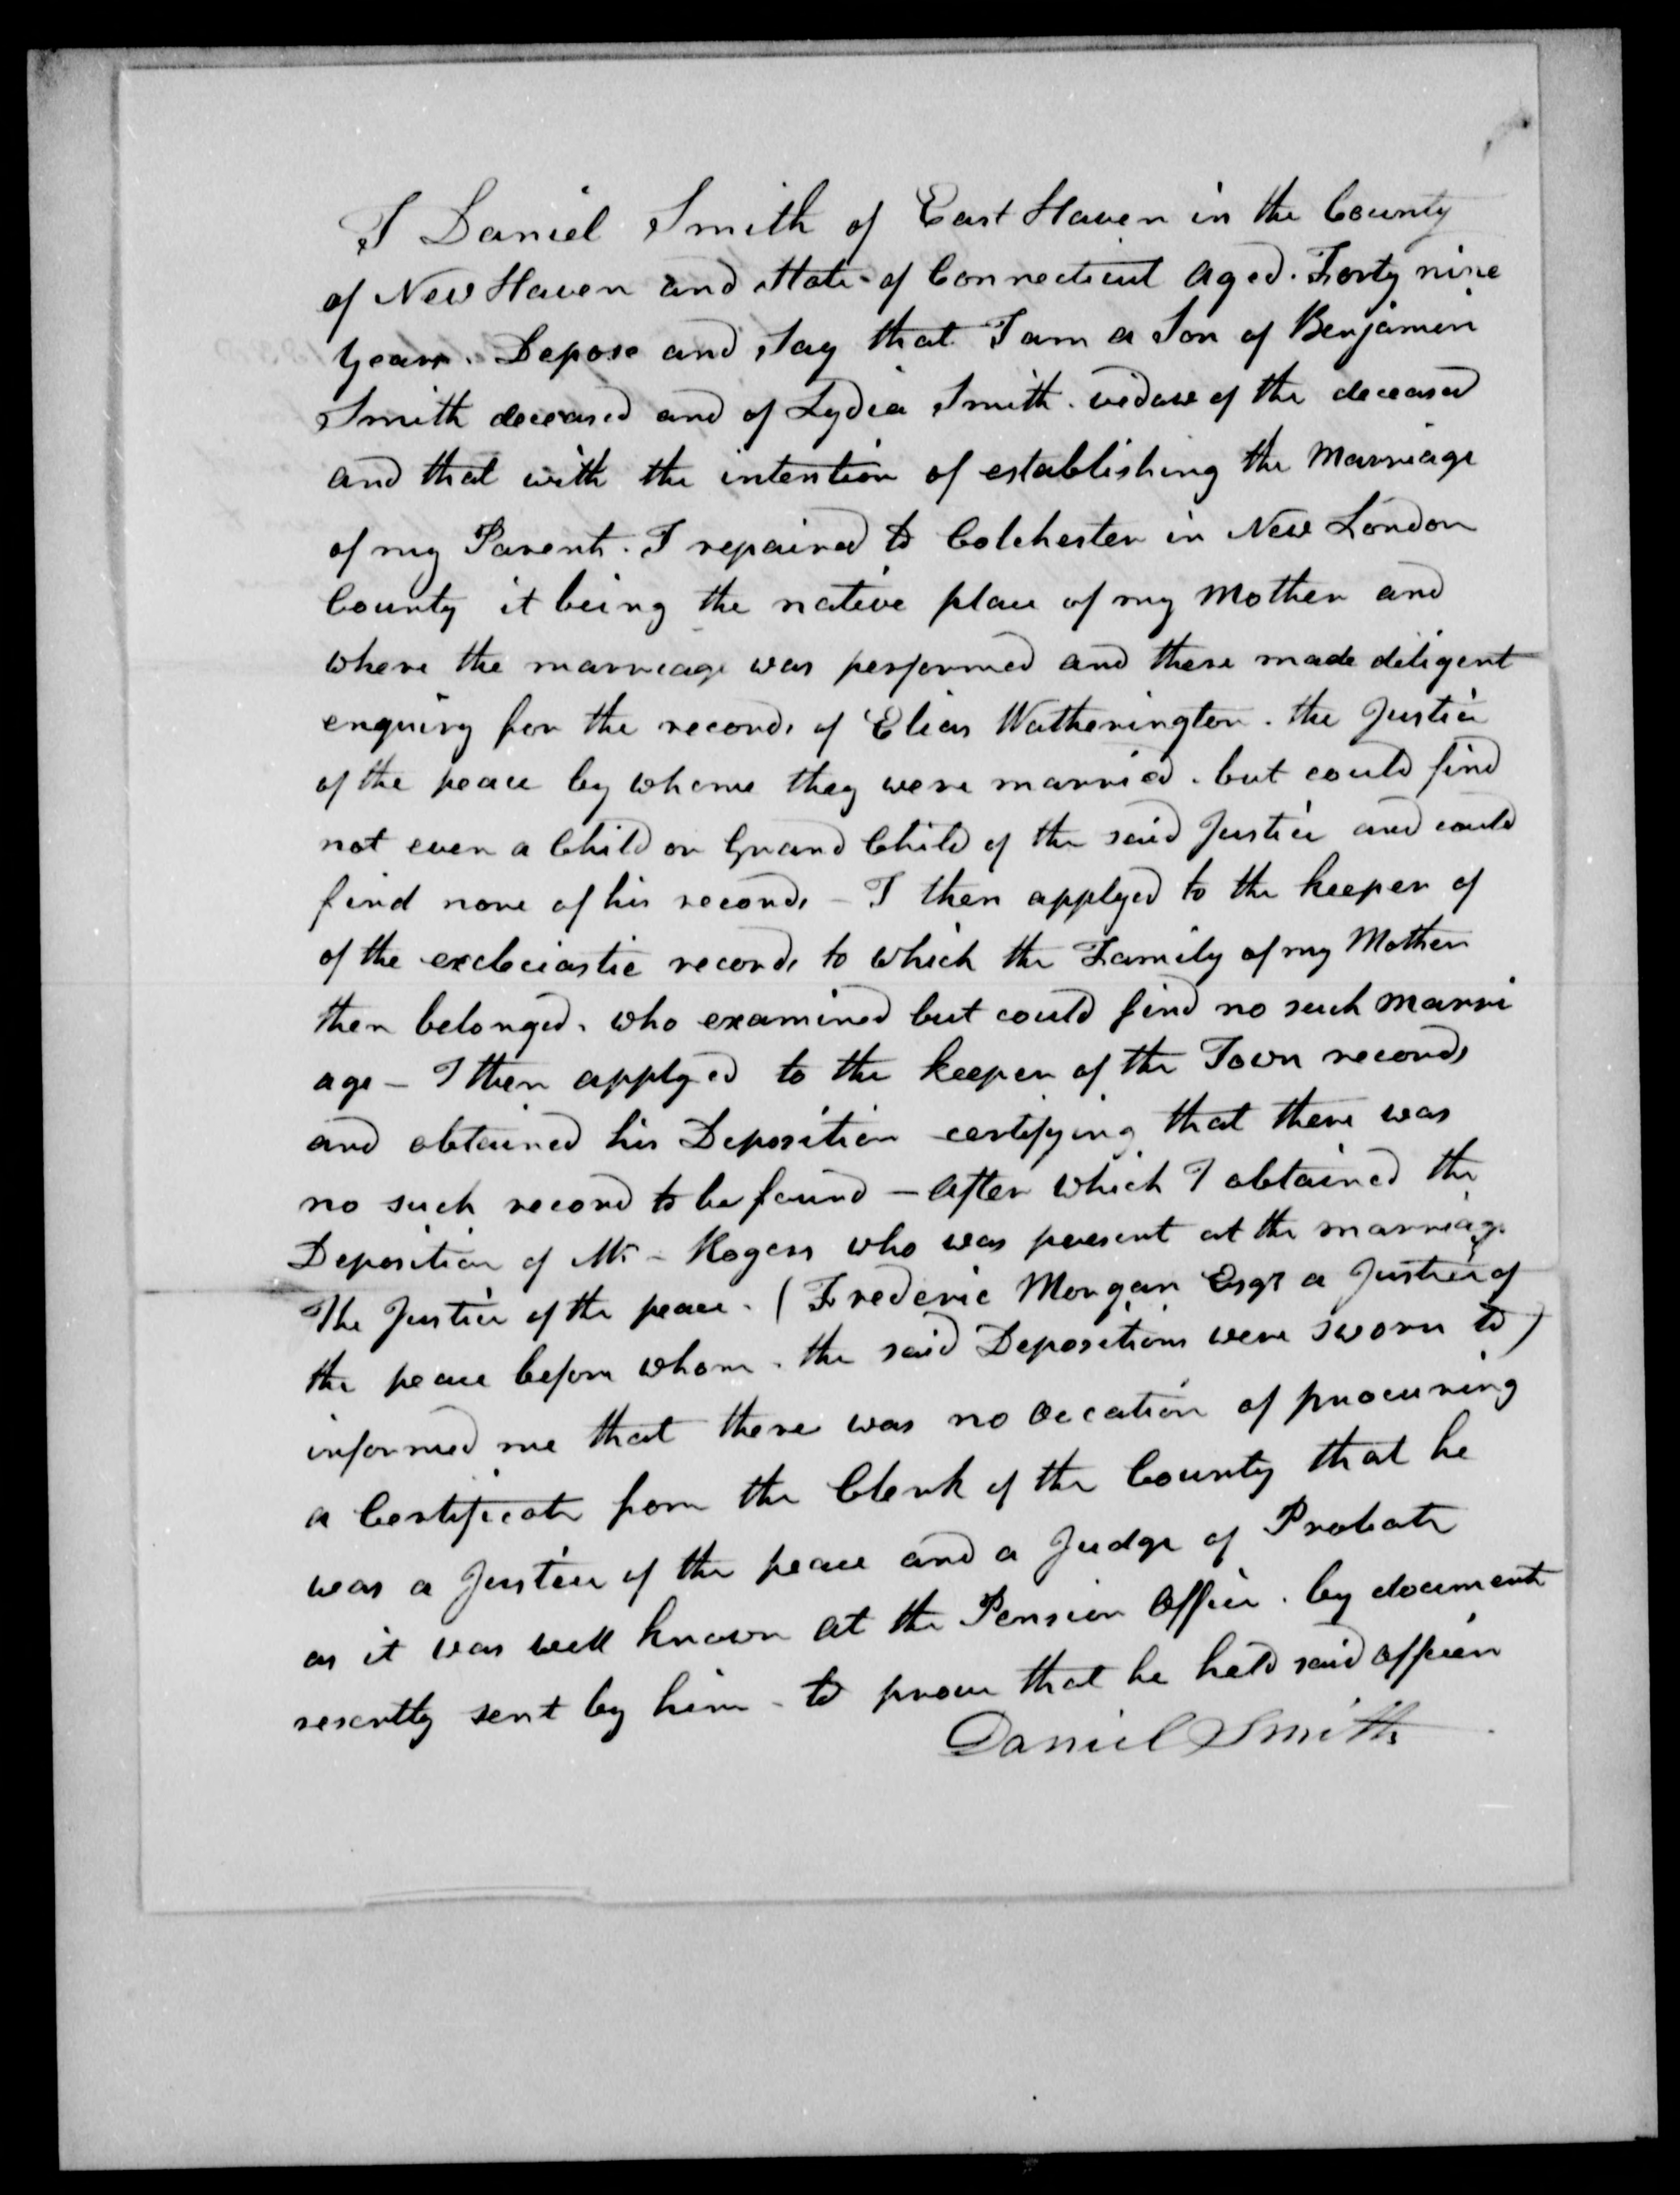I Daniel Smith of East Haven in the County of New Haven and the state of Connecticut aged forty nine years. Depose and say that I am a son of Benjamin Smith deceased and of Lydia Smith widow of the deceased and that with the intention of establishing the marriage of my parents. I repaired to Colchester in New London County   it being the native place of my mother and where the marriage was performed and there made diligent and enquiring for the record, of Elias Watherington.  The Justice of the peace by whom they were married but could find not even a child or grand child of the said justice and could none of his records. I then applyed to the keeper of the of the ecclesiastic records to which the family of my Mother then belonged, who examined but could find no such marriage --I then applied to the keeper of the Town records, and obtained his Deposition certifying that there was no such record to be found- after which I obtained the deposition of Mr. Rogers [Hogen?] who was present at the marriage.  The justice of the peace. Fredric Morgan  Esq'r. a justice of the peace before whom the said Depositions were sworn to informed me that there was no occation [occassion] of procurring a Certificate from the Clerk of the County that he was a justice of the peace and a judge of Probate as it was well known at the Pension Office by document recently sent to him to prove that he held said office
[signed] Daniel Smith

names: Lydia Smith; Elias Watherington; Benjamin Smith; [BLANK] Rogers; Frederic Morgan; Daniel Smith; Daniel Smith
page: 2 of 19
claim: rejected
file: R 9792, for Benjamin Smith, Connecticut